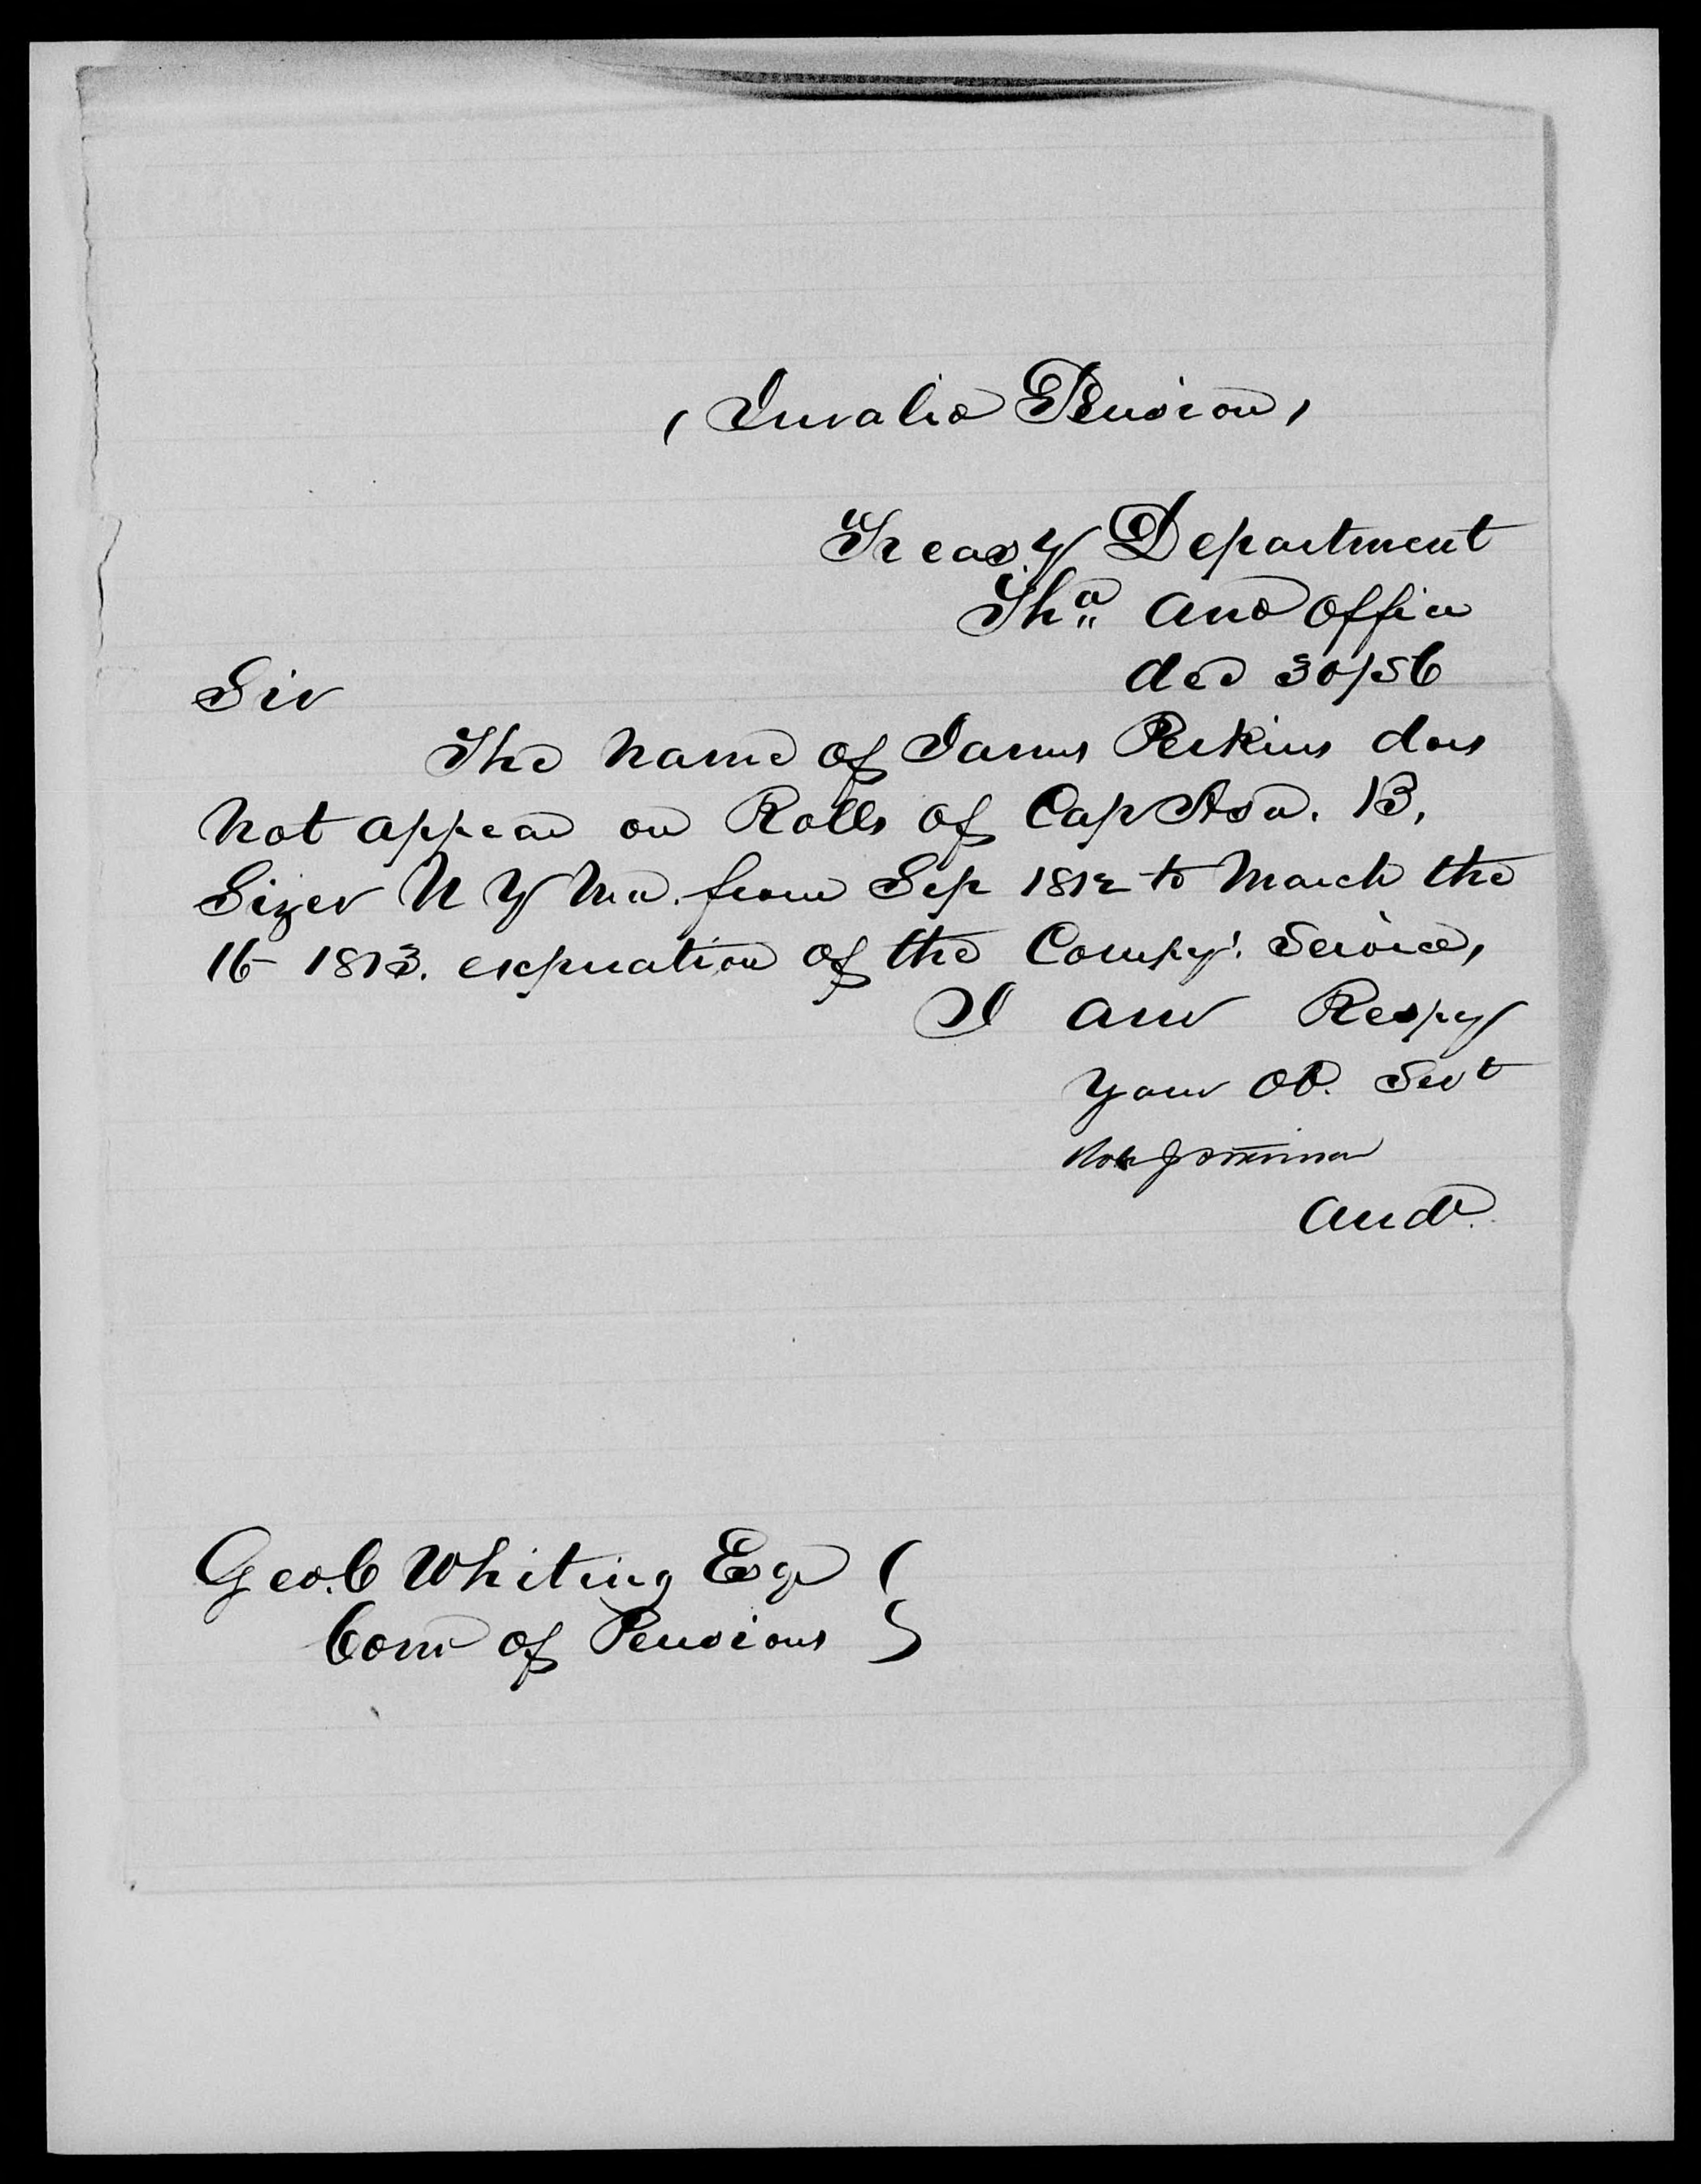Invalid Pension 
Treasy Department 
Tha and Office 
ded 30/56 
Sir
The name of James Perkins does not appear on Rolls of Cap Asa. B. Sizer NY Ma from Sep 1812 to March the 16 1813. expiration of the Compy. Service, 
I am Respy 
Your ob. Sevt 
Robr J Atkinson [or Jameson?]
Audr.

Geo. C Whiting Esq 
Comr of Pensions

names: James Perkins; Asa B Sizer; Rob J Atkinson; Geo C Whiting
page: 34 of 44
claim: rejected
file: R. 17,033, for Joseph Perkins, New York